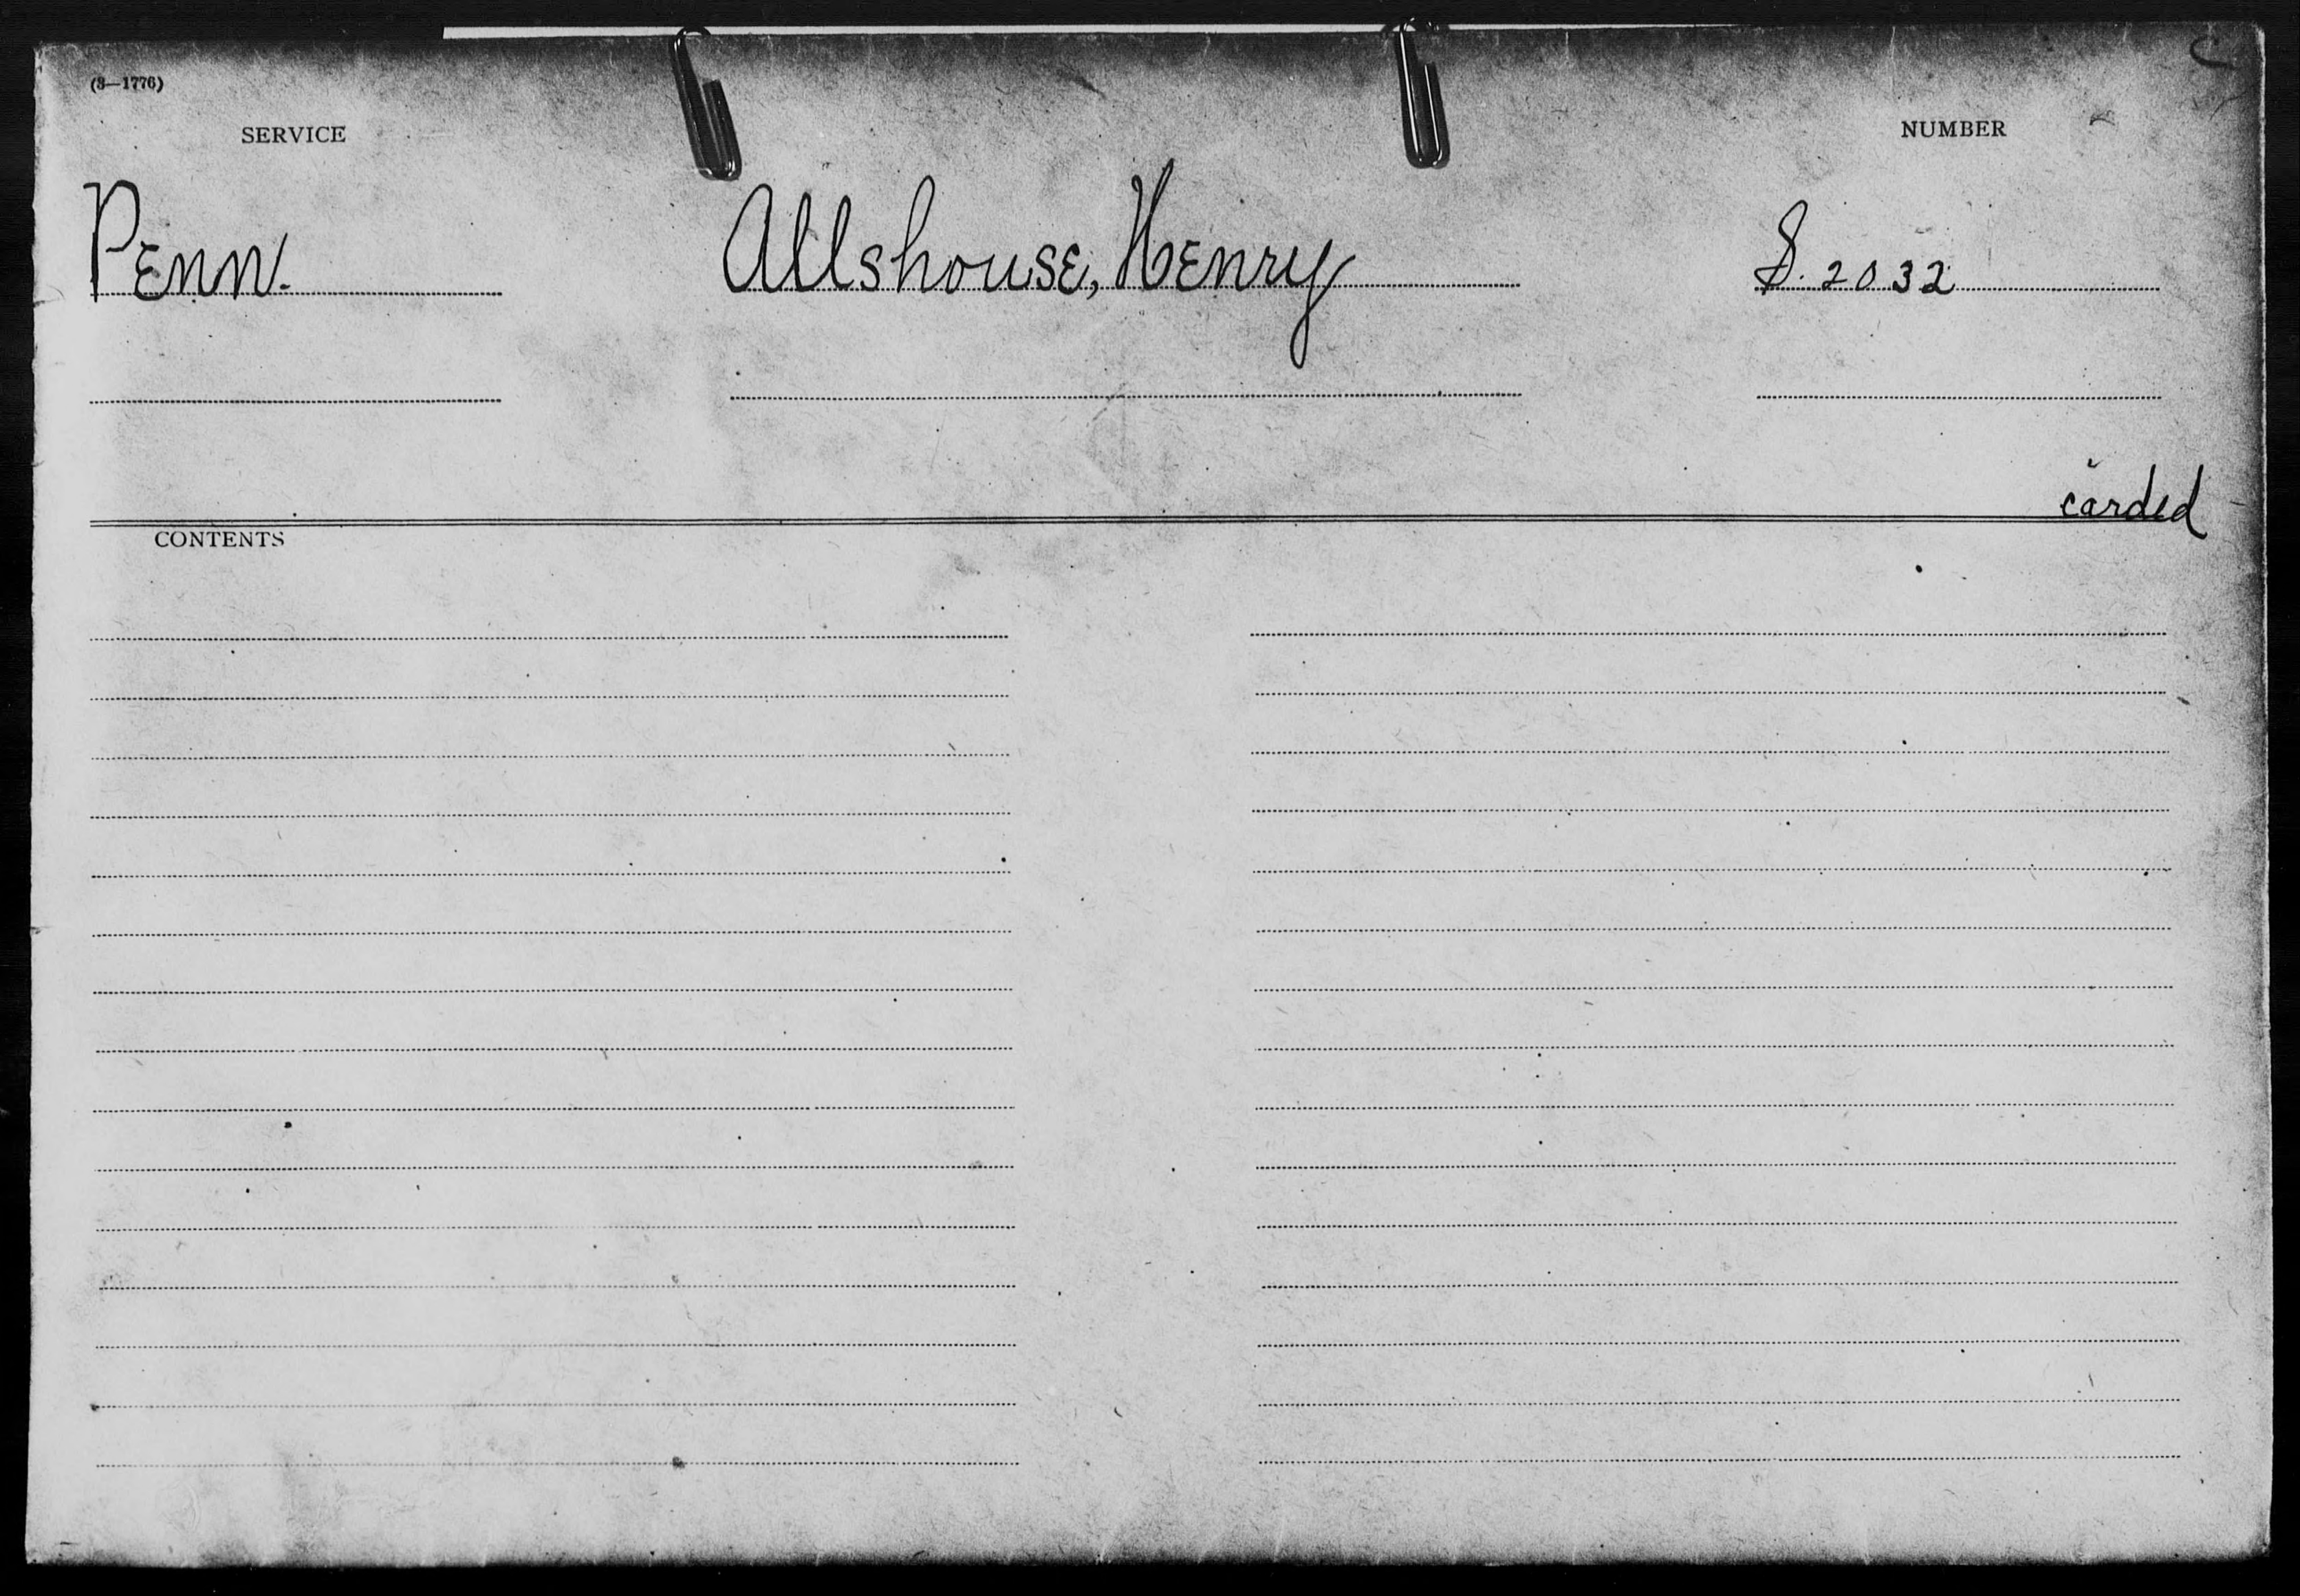Penn.
Allshouse, Henry
SERVICE NUMBER S. 2032
carded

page: 1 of 24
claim: survivor's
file: S. 2032, Henry Allshouse, Penn.